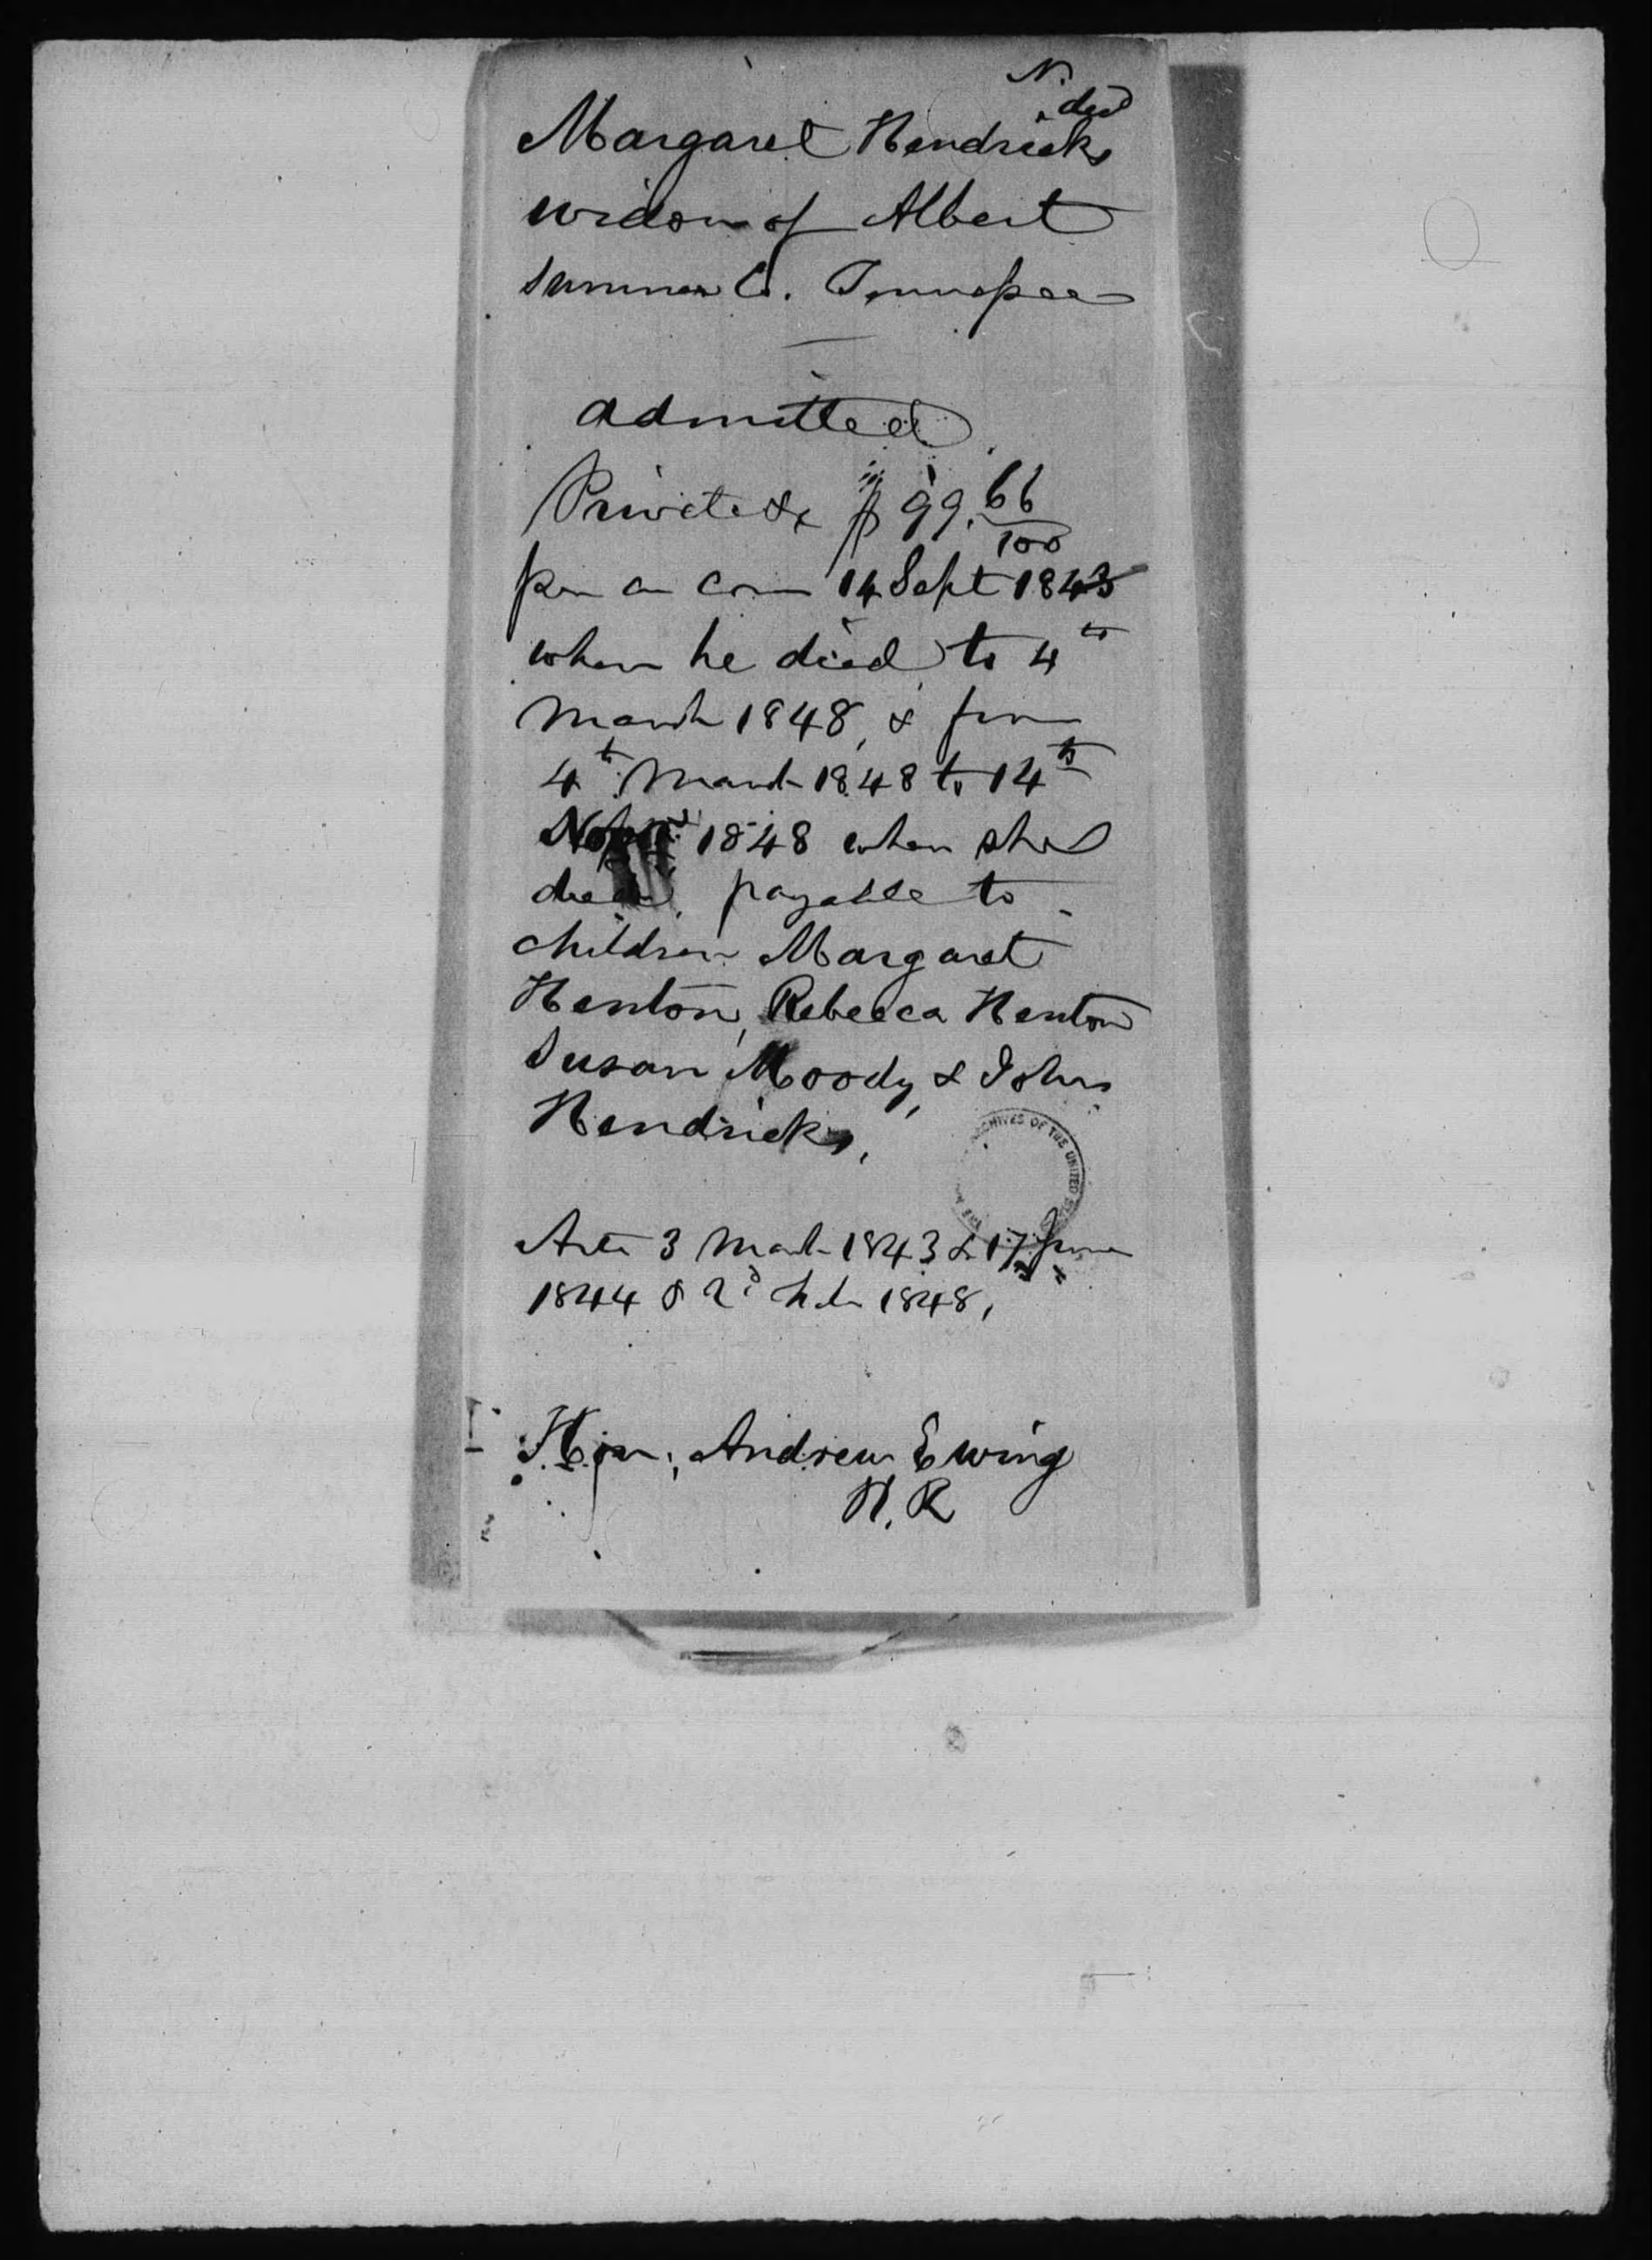N. decd
Margaret Hendricks 
widow of Albert 
Sumner Co. Tennessee

Admitted
Private at $99. 66/100
per an com 14 Sept 1843 
when he died to 4th 
March 1848, & from 
4th March 1848 to 14th 
Nov 1848 when she 
died, payable to 
children Margaret 
Henton, Rebecca Henton 
Susan Moody & John 
Hendricks
[Circular stamp National Archives]
THE NATIONAL ARCHIVES OF THE UNITED STATES

Acts 3 March 1843 & 17 June 
1844 & 2nd Feb 1848

Hon. Andrew Ewing
H.R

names: Andrew Ewing, Rebecca Henton, Albert Hendricks, John Hendricks, Susan Moody, Margaret Hendricks, Margaret Henton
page: 62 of 76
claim: widow's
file: W. 83, Albert Hendricks, Continental Md. N.C.